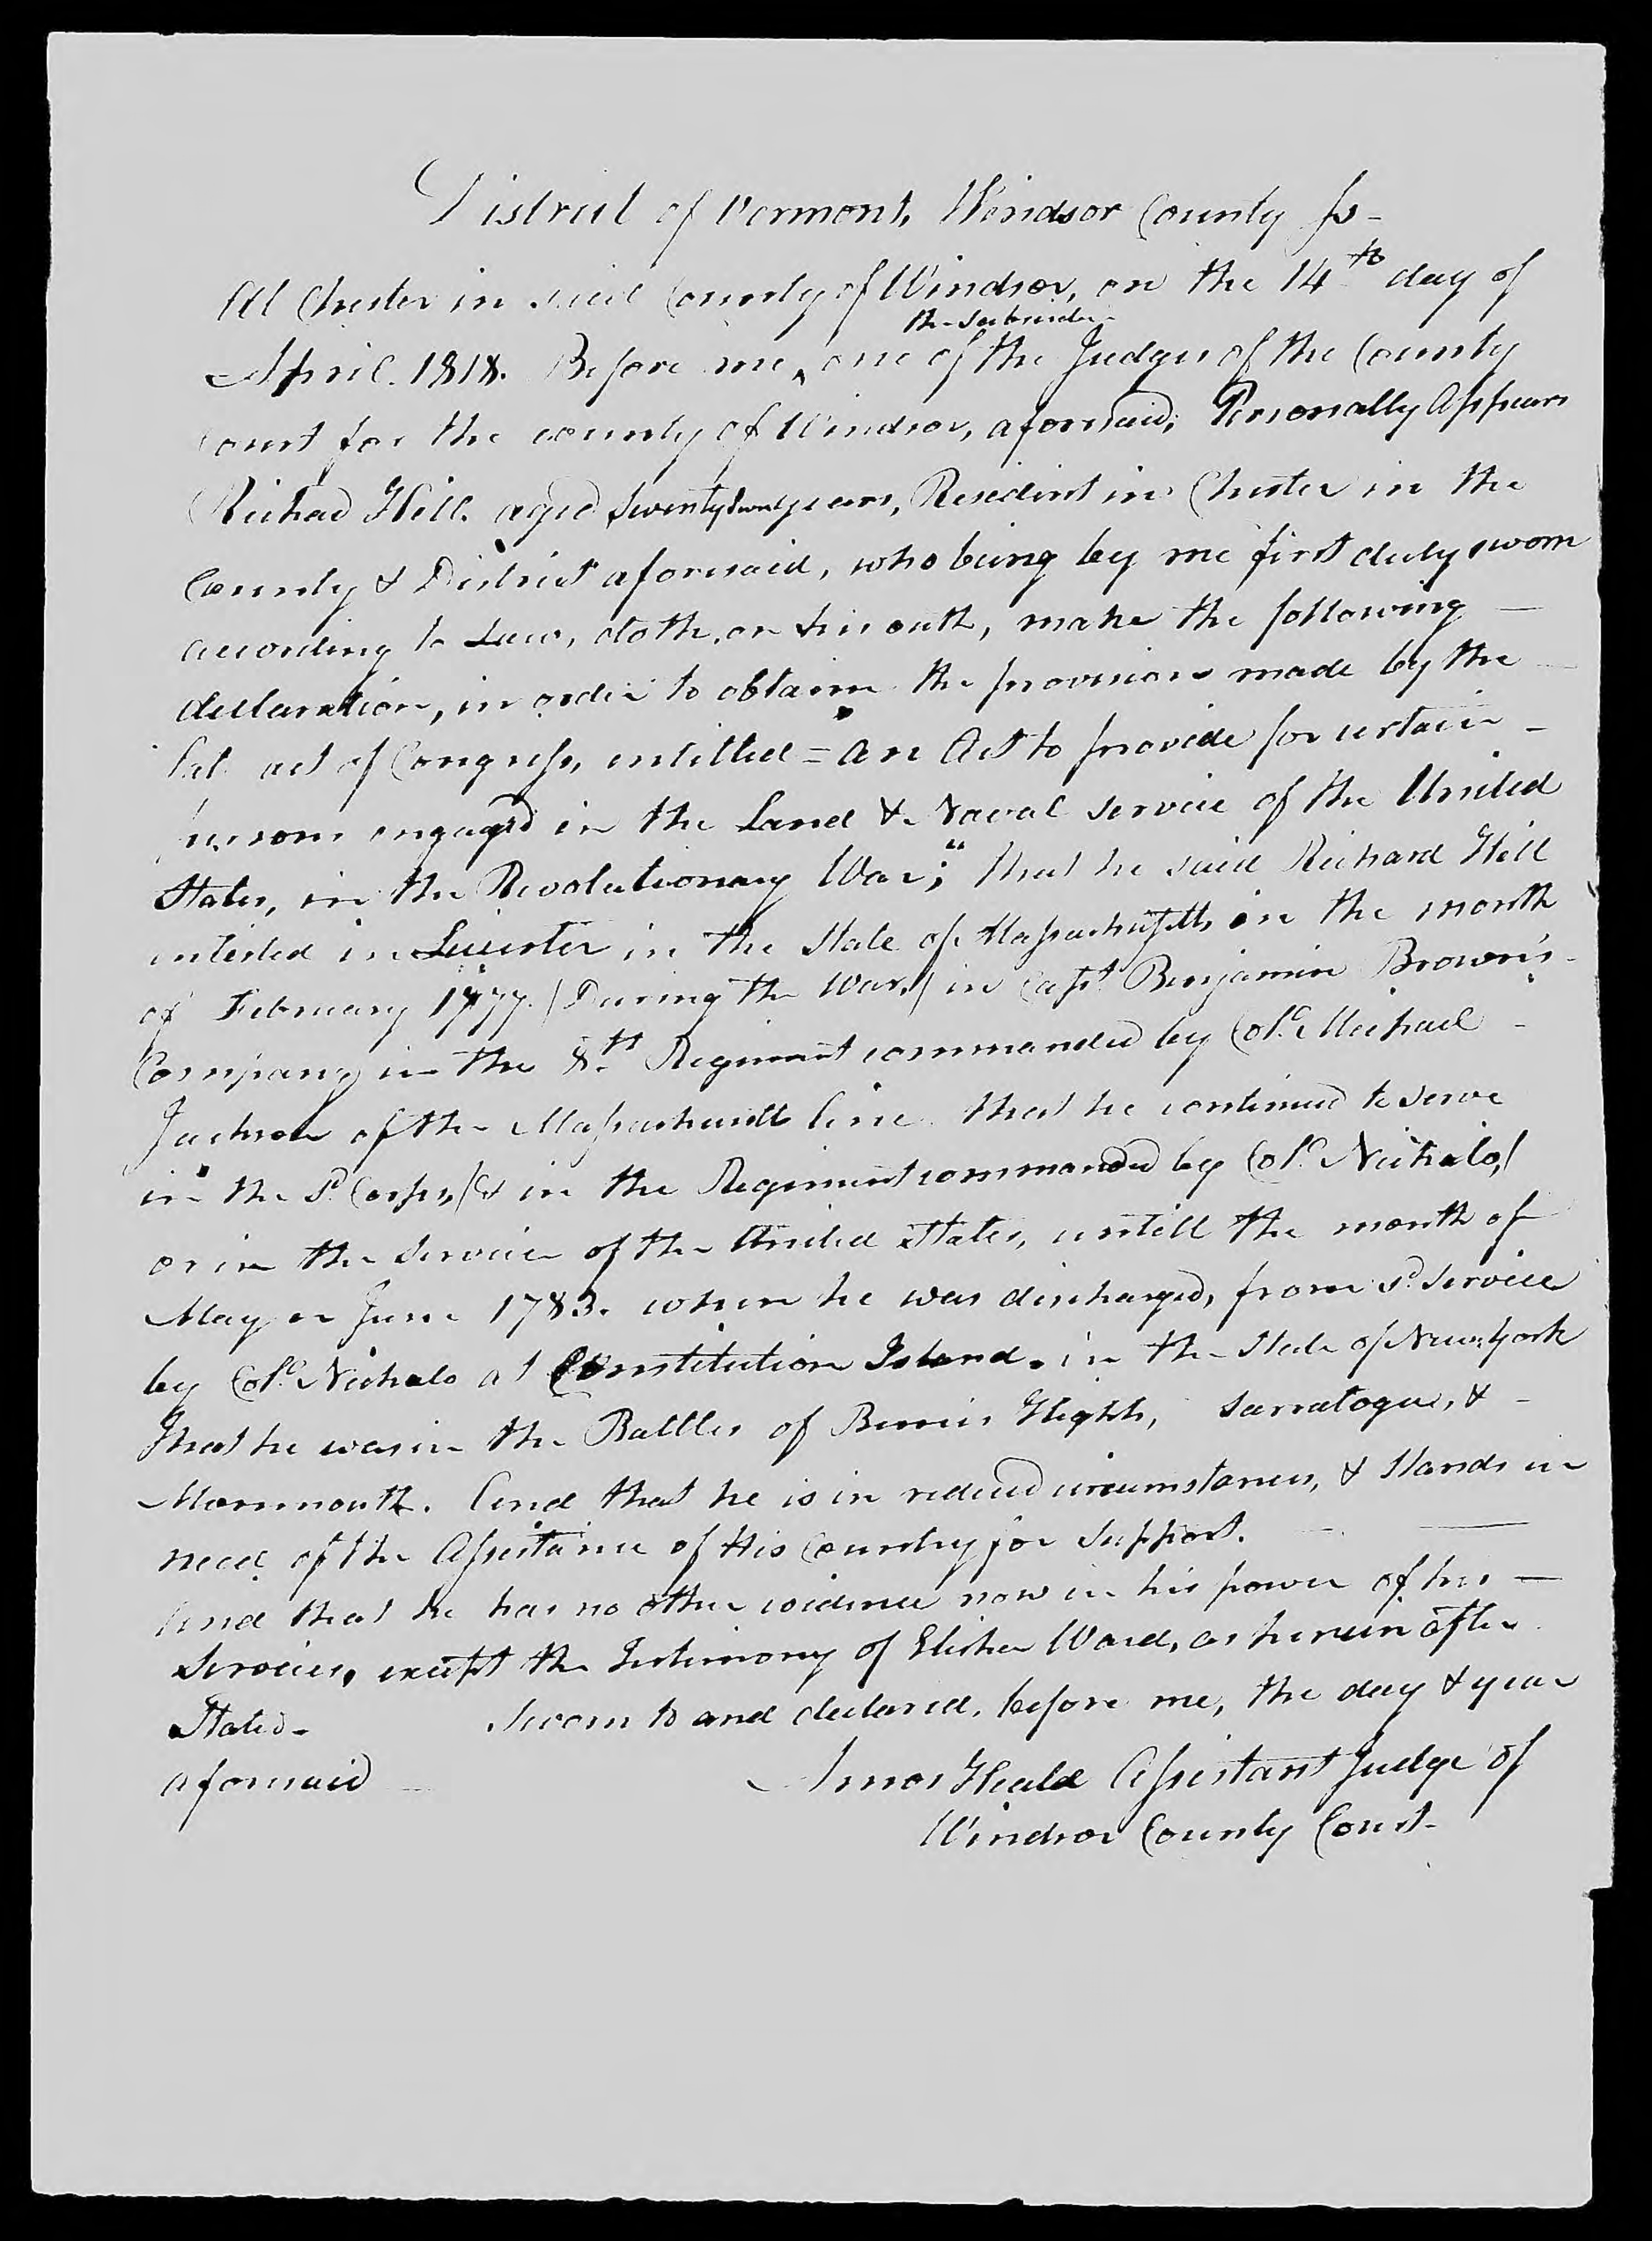District of Vermont, Windsor County for
Mt. Chester in said county of Windsor, on the 14th day of April 1818.  Before me, Amos Heald one of the Judges of the County
court for the county of Windsor aforesaid, personally appeared Richard Hill aged seventy seven years, Resident in Chester in the
County & District aforesaid, who being by me first duly sworn according to Law, doth, on his oath, make the following declaration, in order to obtain the provision made by the [illegible] act of Congress entitled "an Act to provide for certain persons engaged in the Land & Naval service of the United States, in the Revolutionary War", that the said Richard Hill
enlisted in Leicester, in the state of Massachusetts in the month of February 1777.  During the war in Capt. Benjamin Brown's
Company in the 8th Regiment commanded by Col. Michael Jackson of the Massachusetts line that he continued to serve in the troops in the regiment commanded by Col. Nichols
or in the service of the United States, until the month of May or June 1783, when he was discharged from the service by Col. Nichols at Constitution Island in the state of New York.
That he was in the Battles of Bemis Heights, Saratoga & Monmouth. And that he is in reduced circumstances, & stands in
need of the assistance of his country for support and that he has no other evidence now in his power of his service, except the testimony of Elisha Ward, as herein after
stated.  Sworn to and declared, before me, the day & year 
[Signed] Amos Heald, Assistant Judge of
Windsor County Court.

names: Amos Heald, Richard Hill, Richard Hill, Nichols, Michael Jackson, Nichols, Elisha Ward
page: 5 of 7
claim: survivor's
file: S 39,687, Richard Hill, Mass.